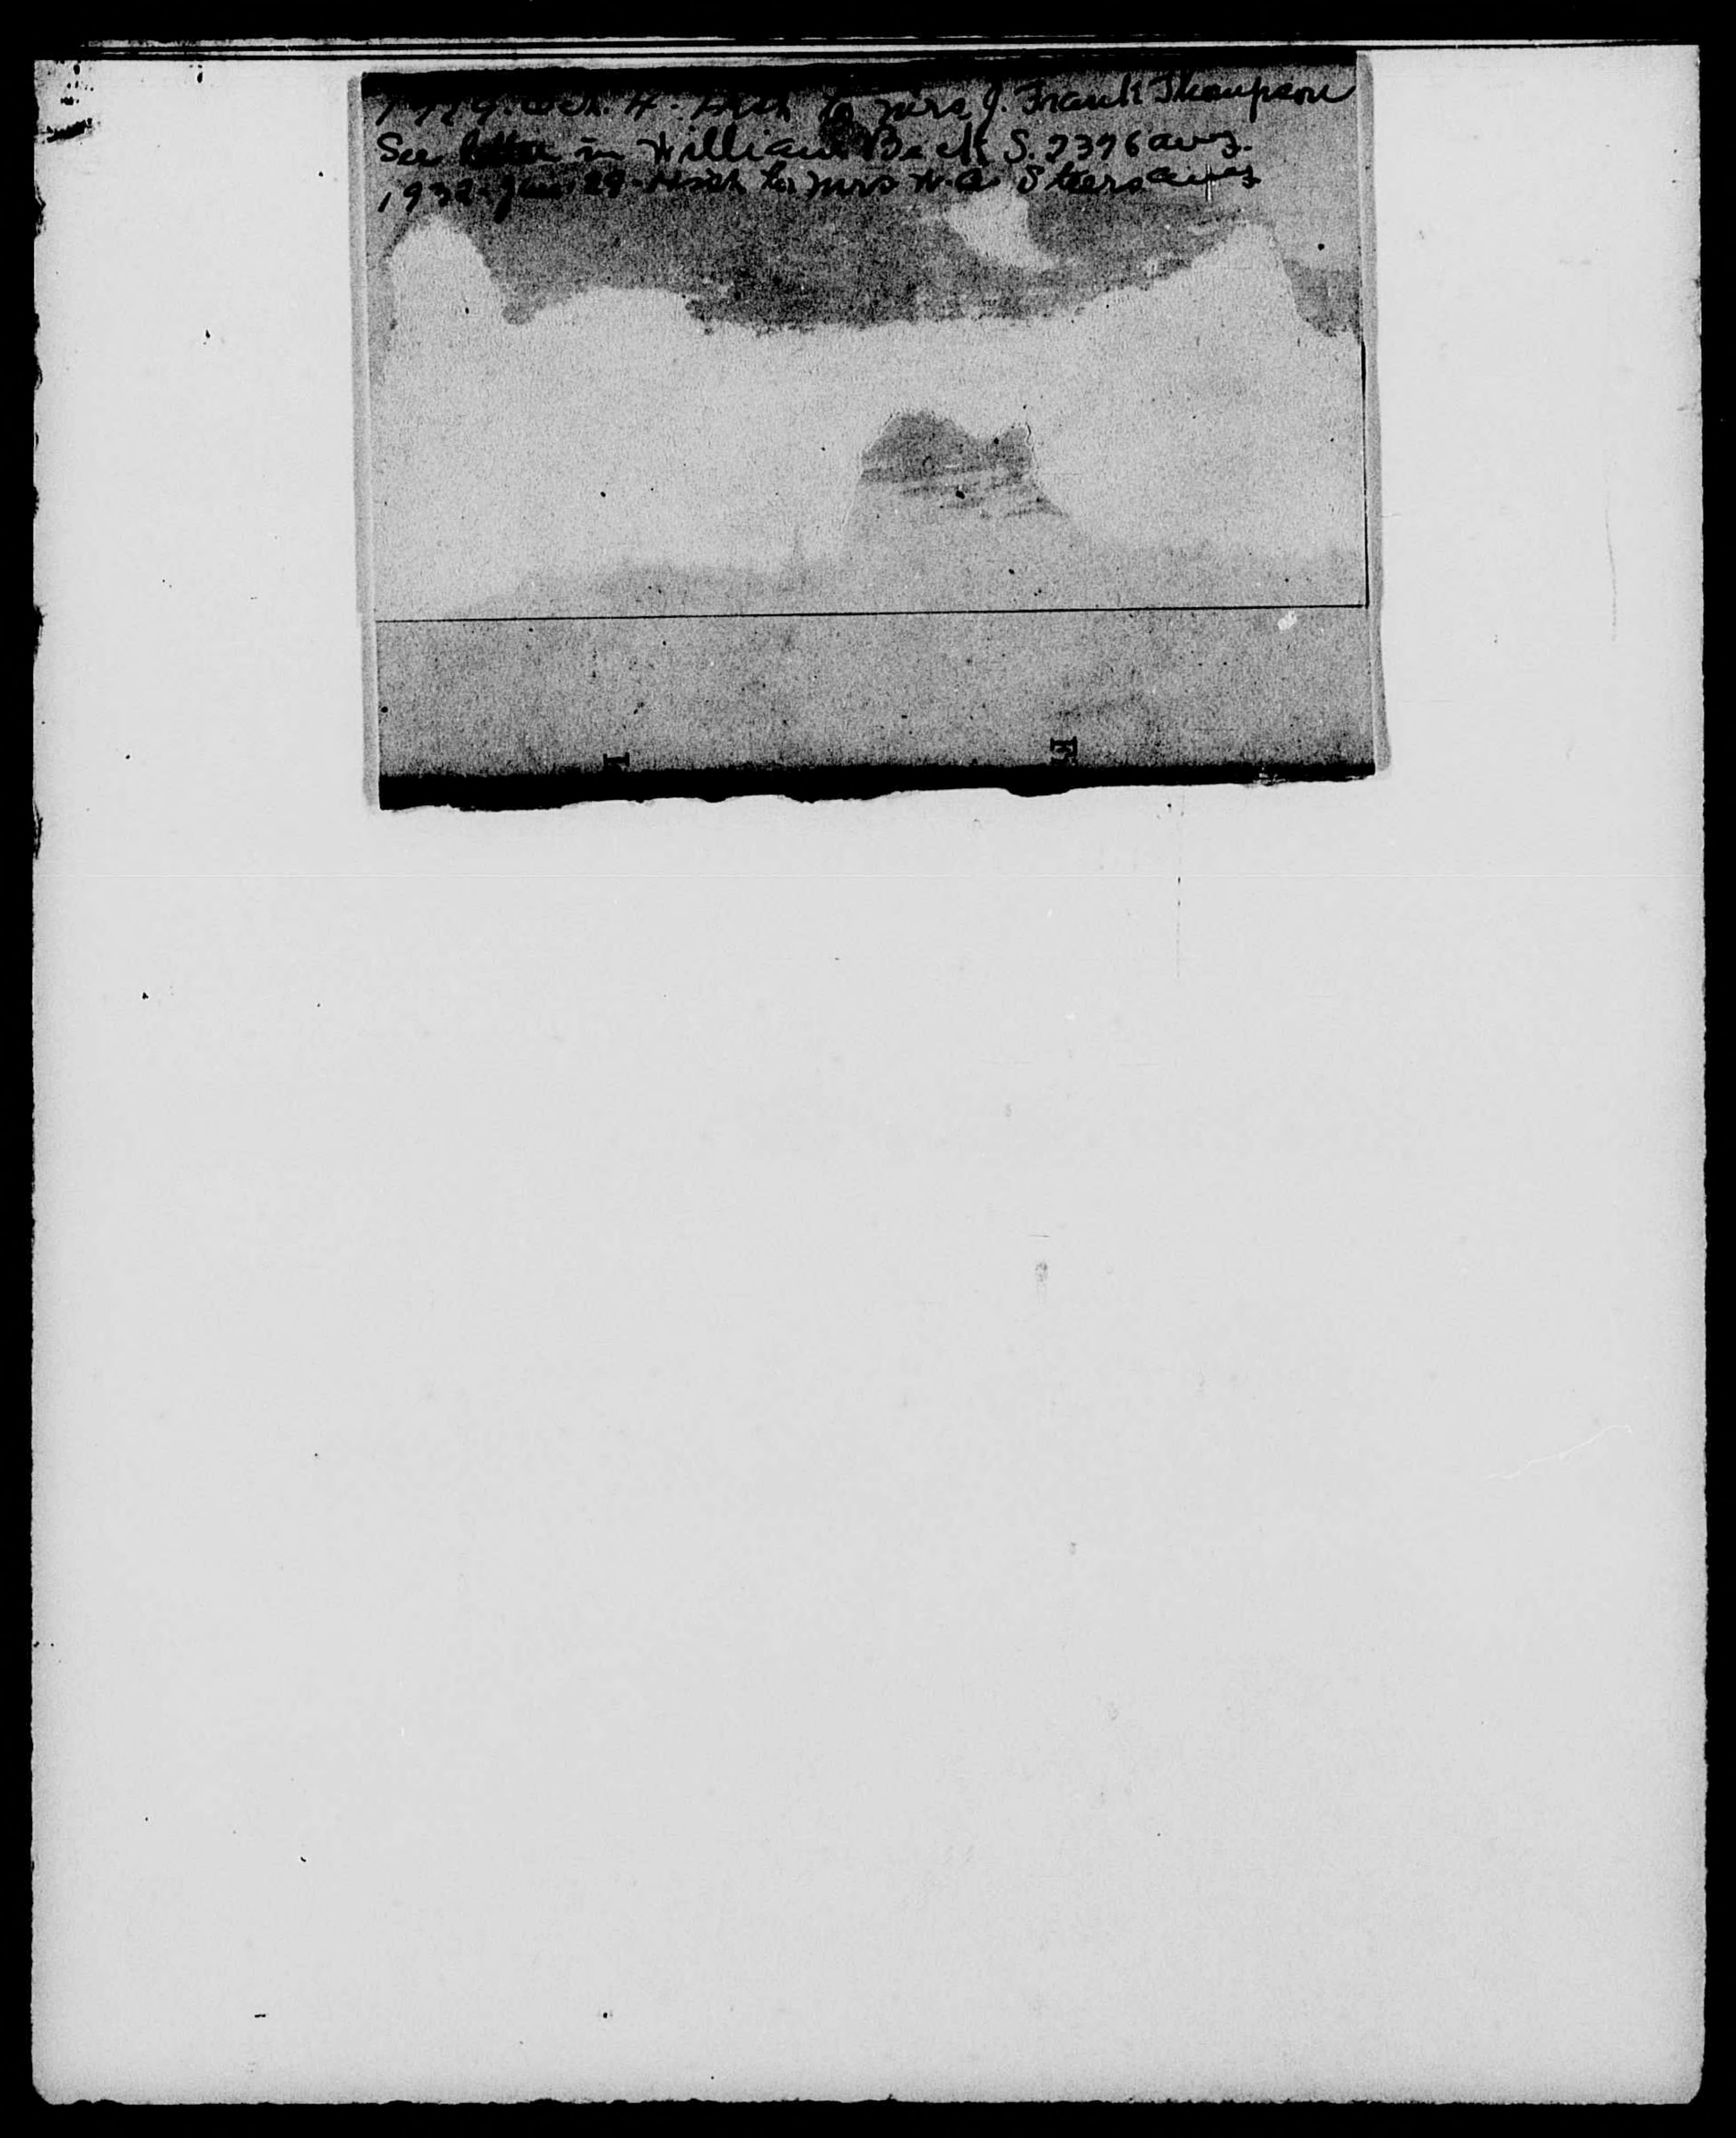J. Frank Thompson William Beck S. 2376 Mrs. W A Steers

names: William Beck, J Frank Thompson, W A Steers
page: 21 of 29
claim: survivor's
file: S. 6830, Elisha Evans, N.C.